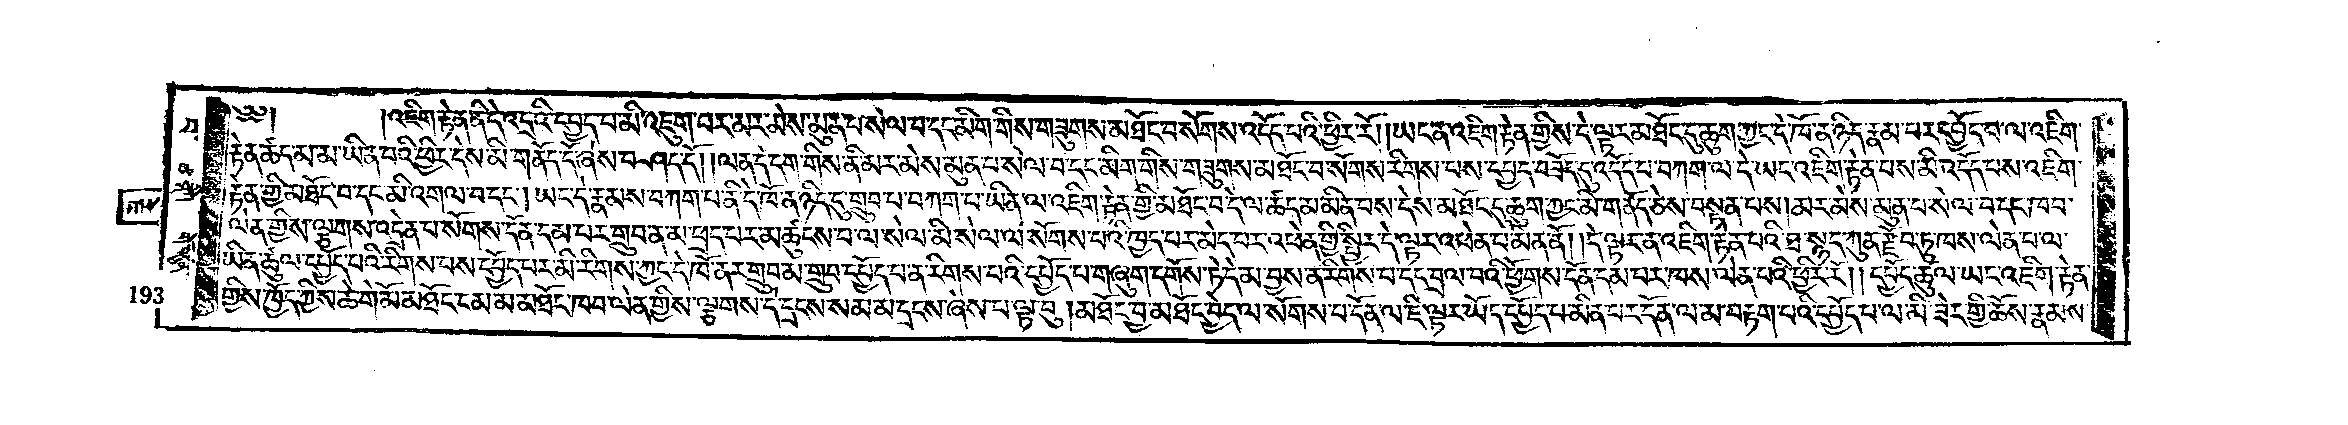༄༅། །འཇིག་རྟེན་ནི་དེ་འདྲའི་དཔྱད་པ་མི་འཇུག་པར་མར་མེས་མུན་པ་སེལ་བ་དང་མིག་གིས་གཟུགས་མཐོང་བ་སོགས་འདོད་པའི་ཕྱིར་རོ། །ཡང་ན་འཇིག་རྟེན་གྱིས་དེ་ལྟར་མཐོང་དུ་ཆུག་ཀྱང་དེ་ཁོ་ན་ཉིད་རྣམ་པར་དཔྱོད་པ་ལ་འཇིག་
རྟེན་ཚད་མ་མ་ཡིན་པའི་ཕྱིར་དེས་མི་གནོད་དོ་ཞེས་བཤད་དོ། །ལན་དེ་དག་གིས་ནི་མར་མེས་མུན་པ་སེལ་བ་དང་མིག་གིས་གཟུགས་མཐོང་བ་སོགས་རིགས་པས་དཔྱད་བཟོད་དུ་འདོད་པ་བཀག་ལ་དེ་ཡང་འཇིག་རྟེན་པས་མི་འདོད་པས་འཇིག་
རྟེན་གྱི་མཐོང་པ་དང་མི་འགལ་བ་དང་། ཡང་དེ་རྣམས་བཀག་པ་ནི་དེ་ཁོ་ན་ཉིད་དུ་གྲུབ་པ་བཀག་པ་ཡིན་ལ་འཇིག་རྟེན་གྱི་མཐོང་བ་དེ་ལ་ཚད་མ་མིན་པས་དེས་མཐོང་དུ་ཆུག་ཀྱང་མི་གནོད་ཅེས་བསྟན་པས། མར་མེས་མུན་པ་སེལ་བ་དང་ཁབ་
ལེན་གྱིས་ལྕགས་འདྲེན་པ་སོགས་དོན་དམ་པར་གྲུབ་ན་མ་ཕྲད་པར་མཚུངས་པ་ལ་སེལ་མི་སེལ་ལ་སོགས་པའི་ཁྱད་པར་མེད་པར་འཕེན་གྱི་སྤྱིར་དེ་ལྟར་འཕེན་པ་མིན་ནོ། །དེ་ལྟར་ན་འཇིག་རྟེན་པའི་ཐ་སྙད་ཀུན་རྫོབ་ཏུ་ཁས་ལེན་པ་ལ་
ཡིན་ཚུལ་དཔྱོད་པའི་རིགས་པས་དཔྱོད་པར་མི་རིགས་ཀྱང་དེ་ཁོ་ནར་གྲུབ་མ་གྲུབ་དཔྱོད་པ་ན་རིགས་པའི་དཔྱོད་པ་གཞུག་དགོས་ཏེ་དེ་མ་བྱས་ན་རིགས་པ་དང་བྲལ་པའི་ཕྱོགས་དོན་དམ་པར་ཁས་ལེན་པའི་ཕྱིར་རོ། །དཔྱོད་ཚུལ་ཡང་འཇིག་རྟེན་
གྱིས་ཁྱོད་ཀྱིས་ཆེ་གེ་མོ་མཐོང་ངམ་མ་མཐོང་ཁབ་ལེན་གྱིས་ལྕགས་དེ་དྲངས་སམ་མ་དྲངས་ཞེས་པ་ལྟ་བུ་།མཐོང་བྱ་མཐོང་བྱེད་ལ་སོགས་པ་དོན་ལ་ཇི་ལྟར་ཡོད་དཔྱོད་པ་མིན་པར་དོན་ལ་མ་བརྟག་པའི་དཔྱོད་པ་ལ་མི་ཟེར་གྱི་ཆོས་རྣམས་